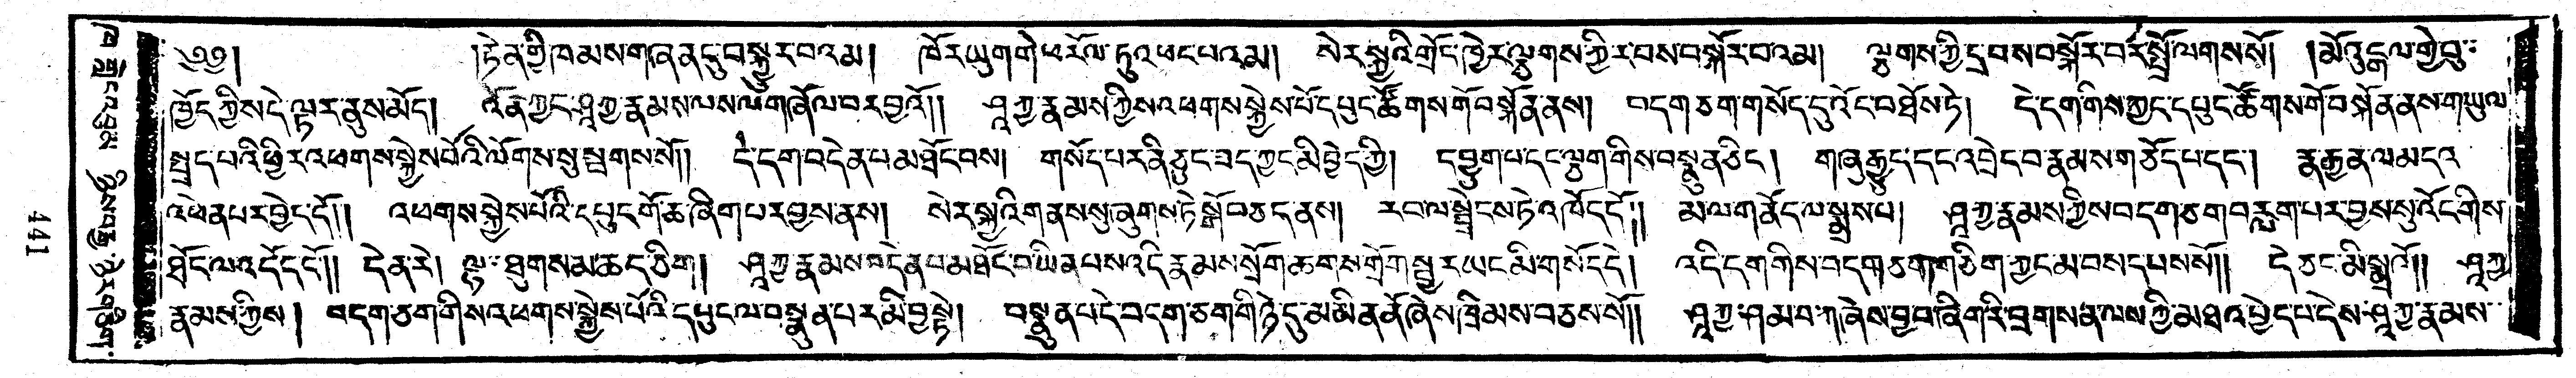༄༅། །རྟེན་གྱི་ཁམས་གཞན་དུ་བསྐྱུར་བའམ། ཁོར་ཡུག་གེ་ཕ་རོལ་ཏུ་འཕང་པའམ། སེར་སྐྱའི་གྲོང་ཁྱེར་ལྕགས་ཀྱི་རབས་བས་བསྐོར་བ་འམ། ལྕགས་ཀྱི་དྲ་བས་བསྐོར་བར་སྤྲོ་ལགས་སོ། །ཨོའུངྒལ་གྱེ་བུཿ
ཁྱོད་ཀྱིས་དེ་ལྟར་ནུས་མོད། འོན་ཀྱང་ཤཱཀྱ་རྣམས་ལས་ལ་གཞོལ་བར་བྱའོ། །ཤཱཀྱ་རྣམས་ཀྱིས་འཕགས་སྐྱེས་པོ་དཔུང་ཚོགས་གོ་བསྐོན་ནས། བདག་ཅག་གསོད་དུ་འོང་བྠོས་ཏེ། དེ་དག་གིས་ཀྱང་དཔུང་ཚོགས་གོ་བསྐོན་ནས་གཡུལ་
སྤྲད་པའི་ཕྱིར་འཕགས་སྐྱེས་པོའི་ལོགས་སུ་སྦགས་སོ། །དེ་དག་འདེན་པ་མཐོང་བས། གསོད་པར་ནི་ཅུང་ཟད་ཀྱང་མི་བྱེད་ཀྱི། དབྱུག་པ་དང་ལྕག་གིས་བསྣུན་ཅིང་། གཞུ་རྒྱུད་དང་འབྲེད་བ་རྣམས་གཅོད་པ་དང་། རྣ་རྒྱན་ལ་མདའ་
འཕེན་པར་བྱེད་དོ། །འཕགས་སྐྱེས་པོའི་དཔུང་གི་ཆ་ཞིག་པར་བྱས་ནས། སེར་སྐྱའི་གནས་སུ་ཞུགས་ཏེ་སྒོ་བཅད་ནས། རབ་ལ་སྦྲེངས་ཏེ་འཁོད་དོ། །མ་ལ་གནོད་ལ་སྨྲས་པ། ཤཱཀྱ་རྣམས་ཀྱིས་བདག་ཅག་བརླག་པར་བྱས་སུ་འོང་གིས་
ཐོད་ལ་འདོད་དོ། །དེ་ན་རེ། ལྷཿ ཐུགས་མ་ཆད་ཅིག། ཤཱཀྱ་རྣམས་བདེན་བ་མཐོང་བ་ཡིན་པས་འདི་རྣམས་སྲོག་ཆགས་གྲོག་སྦྱར་ཡང་མི་གསོད་དེ། འདི་དག་གིས་བདག་ཅག་གཅིག་ཀྱང་མ་བསད་པས་སོ། །དེ་ཅང་མི་སྨྲའོ། །ཤཱཀྱ་
རྣམས་ཀྱིས། བདག་ཅག་གིས་འཕགས་སྐྱེས་པོའི་དཔུང་ལ་བསྣུན་པར་མི་བྱ་སྟེ། བསྣུན་པ་དེ་བདག་ཅག་གི་ཉེ་དུ་མ་མིན་ནོ་ཞེས་ཁྲིམས་བཅས་སོ། །ཤཱཀྱ་ཤམ་བ་ཀ་ཞེས་བྱ་བ་ཞིག་རི་བྲགས་ན་ལས་ཀྱི་མཐའ་བྱེད་པ་དེས་ཤཱཀྱ་རྣམས་